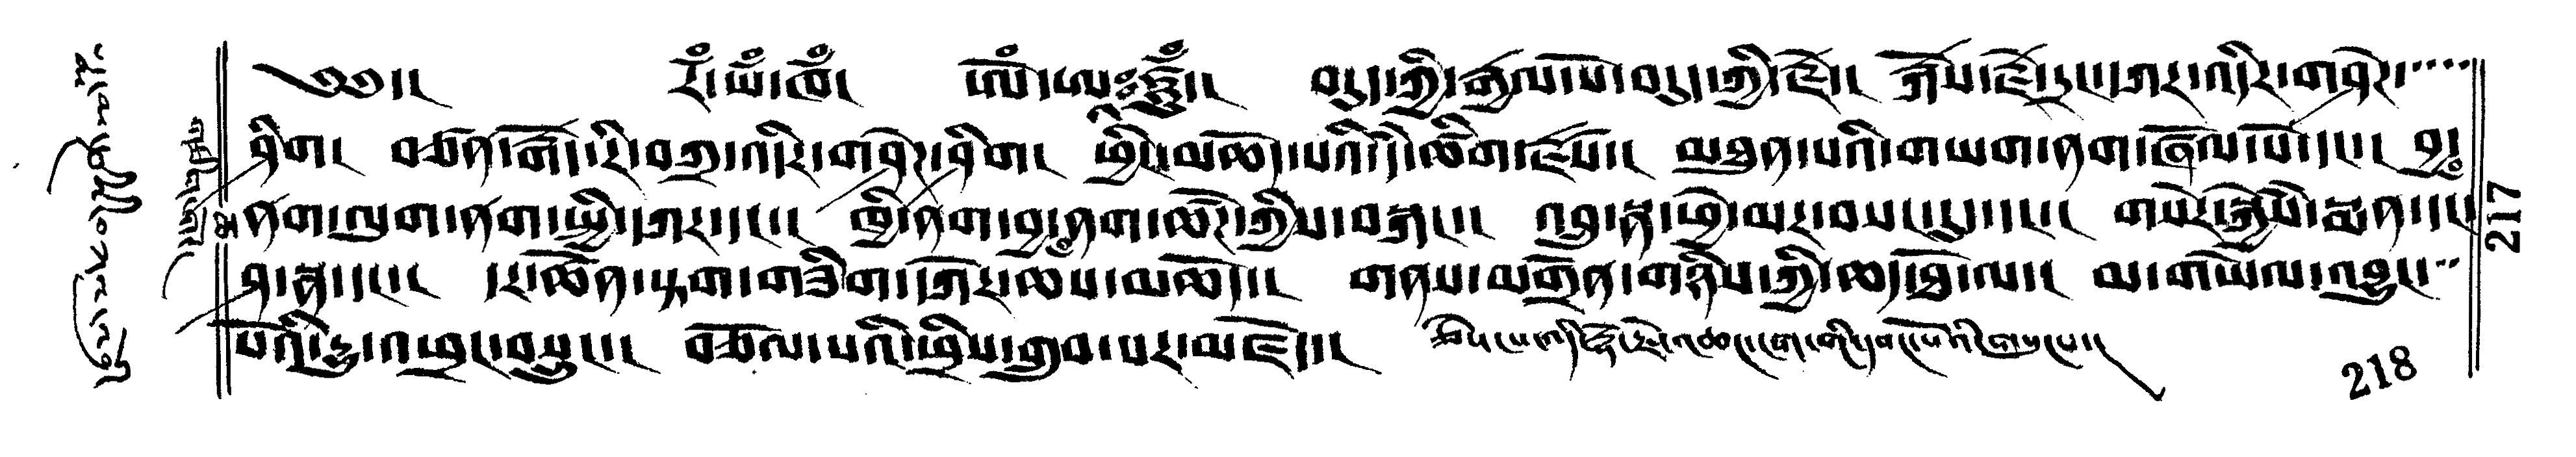༄༅། རྃ་ཡྃ་ཁྃ། ཨོཾ་ཨཱཿཧཱུྃ། བདུད་ཀྱི་རྒྱལ་པོ་བདུད་ཀྱི་རྗེ། །རྐོས་རྗེ་དྲང་དཀར་འདིར་གཤེགས་
ཤིག །བཙན་རྒོད་རི་བཀྲ་འདིར་གཤེགས་ཤིག །ཕྱི་ནང་མཆོད་པའི་དམ་ཚིག་རྫས། །མཐུན་པའི་གཡག་ནག་ཞོལ་པོ་དང་། །བྱ་
ནག་ལུག་ནག་སྤྱི་དཀར་དང་། ཁྱི་ནག་བྱ་ནག་ཚོགས་ཀྱིས་བསྐང་། །འབྲུ་སྣ་ཕྱེ་མར་བསང་དུད་དང་། །གསེར་སྐྱེམས་སྨན་དང་
ཤ་སྣ་དང་། །དར་ཚོན་སྟག་གཟིག་དཀོར་ཆས་མཆོད། །གནས་མགྲོན་གཉིས་ཀྱི་ཆད་ཐོ་ལ། །མ་གཡེལ་འབྱུང་
པོའི་རྒྱུ་འཕྲང་སྲུངས། །བཅོལ་པའི་ཕྲིན་ལས་གྲུབ་པར་མཛོད། །ཅེས་པ་འདི་རྡོ་རྗེ་འཆང་ངག་གི་དབང་པོའི་གསུང་ངོ་།།